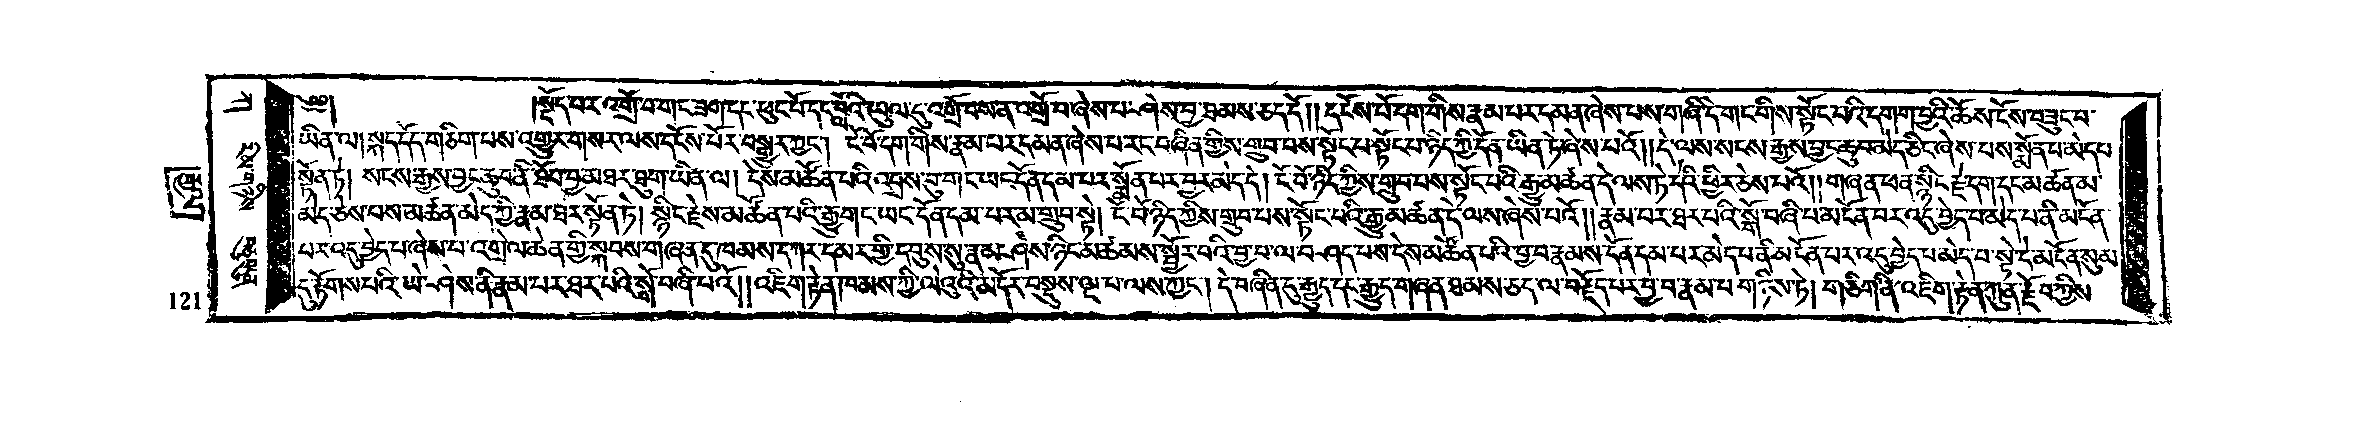༄༅། །སྡོད་པར་འགྲོ་བ་གང་ཟག་དང་ཕུང་པོ་དང་བློའི་ཡུལ་དུ་འགྲོ་བས་ན་འགྲོ་བ་ཞེས་པ་ཤེས་བྱ་ཐམས་ཅད་དོ། །དངོས་པོ་དག་གིས་རྣམ་པར་དམན་ཞེས་པས་གཞི་དེ་གང་གིས་སྟོང་པའི་དགག་བྱའི་ཆོས་ངོས་བཟུང་བ་
ཡིན་ལ། སྐད་དོད་གཅིག་པས་འགྱུར་གསར་ལས་དངོས་པོར་བསྒྱུར་ཀྱང་། ངོ་བོ་དག་གིས་རྣམ་པར་དམན་ཞེས་པ་རང་བཞིན་གྱིས་གྲུབ་པས་སྟོང་པ་སྟོང་པ་ཉིད་ཀྱི་དོན་ཡིན་ཏེ་ཞེས་པའོ། །དེ་ལས་སངས་རྒྱས་བྱང་ཆུབ་མེད་ཅིང་ཞེས་པས་སྨོན་པ་མེད་པ་
སྟོན་ཏེ། སངས་རྒྱས་བྱང་ཆུབ་ནི་ཐོབ་བྱ་མཐར་ཐུག་ཡིན་ལ། དེས་མཚོན་པའི་འབྲས་བུ་གང་ཡང་དོན་དམ་པར་སྨོན་པར་བྱར་མེད་དེ། ངོ་བོ་ཉིད་ཀྱིས་གྲུབ་པས་སྟོང་པའི་རྒྱུ་མཚན་དེ་ལས་ཏེ་དེའི་ཕྱིར་ཅེས་པའོ། །གཞན་ཕན་སྙིང་རྗེ་དག་དང་མཚན་མ་
མེད་ཅེས་པས་མཚན་མེད་ཀྱི་རྣམ་ཐར་སྟོན་ཏེ། སྙིང་རྗེས་མཚོན་པའི་རྒྱུ་གང་ཡང་དོན་དམ་པར་མ་གྲུབ་སྟེ། ངོ་བོ་ཉིད་ཀྱིས་གྲུབ་པས་སྟོང་པའི་རྒྱུ་མཚན་དེ་ལས་ཞེས་པའོ། །རྣམ་པར་ཐར་པའི་སྒོ་བཞི་པ་མངོན་པར་འདུ་བྱེད་པ་མེད་པ་ནི་མངོན་
པར་འདུ་བྱེད་པ་ཞེས་པ་འགྲེལ་ཆེན་གྱི་སྐབས་གཞན་དུ་ཁམས་དཀར་དམར་གྱི་དབུས་སུ་རྣམ་ཤེས་ཉིང་མཚམས་སྦྱོར་བའི་བྱ་བ་ལ་བཤད་པས་དེས་མཚོན་པའི་བྱ་བ་རྣམས་དོན་དམ་པར་མེད་པ་ནི་མངོན་པར་འདུ་བྱེད་པ་མེད་པ་སྟེ་དེ་མངོན་སུམ་
དུ་རྟོགས་པའི་ཡེ་ཤེས་ནི་རྣམ་པར་ཐར་པའི་སྒོ་བཞི་པའོ། །འཇིག་རྟེན་ཁམས་ཀྱི་ལེའུའི་མདོར་བསྡུས་ལྔ་པ་ལས་ཀྱང་། དེ་བཞིན་དུ་རྒྱུད་དང་རྒྱུད་གཞན་ཐམས་ཅད་ལ་བརྗོད་པར་བྱ་བ་རྣམ་པ་གཉིས་ཏེ། གཅིག་ནི་འཇིག་རྟེན་ཀུན་རྫོབ་ཀྱིས་